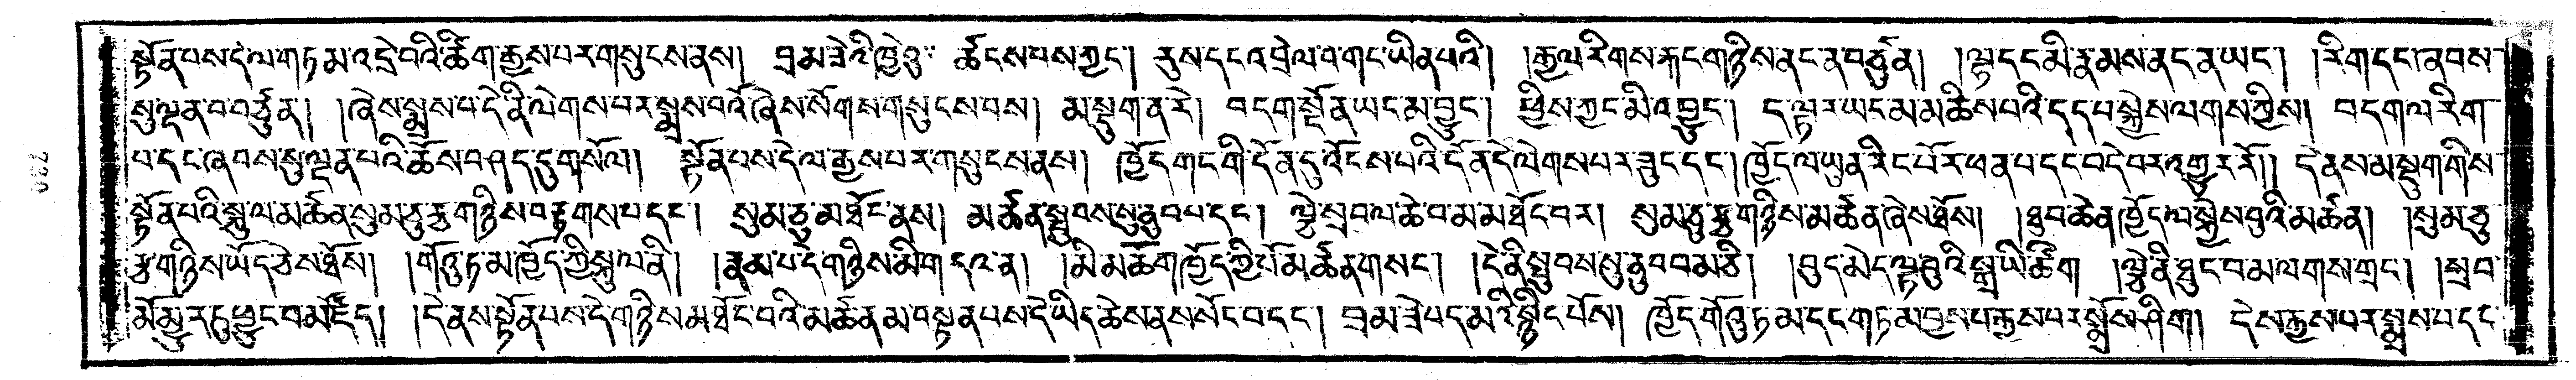སྟོན་པས་དེ་ལ་གཏམ་འདྲེ་བའི་ཚིག་རྒྱས་པར་གསུངས་ནས། བྲམ་ཟེའི་ཁྱེའུ༑ ཚངས་པས་ཀྱང་། རུས་དང་འབྲེལ་བ་གང་ཡིན་པའི། །རྒྱལ་རིགས་རྐང་གཉིས་ནང་ན་བཙུན། །ལྷ་དང་མི་རྣམས་ནང་ན་ཡང་། །རིག་དང་ཞབས་
སུ་ལྡན་བ་བཙུན། །ཞེས་སྨྲས་པ་དེ་ནི་ལེགས་པར་སྨྲས་བའོ་ཞེས་སོགས་གསུངས་པས། མ་སྡུག་ན་རེ། བདག་སྔོན་ཡང་མ་བྱུང་། ཕྱིས་ཀྱང་མི་འབྱུང་། ད་ལྟར་ཡང་མ་མཆིས་པའི་དད་པ་སྐྱེས་ལགས་ཀྱིས། བདག་ལ་རིག་
པ་དང་ཞབས་སུ་ལྡན་པའི་ཆོས་བཤད་དུ་གསོལ། སྟོན་པས་དེ་ལ་རྒྱས་པར་གསུངས་ནས། ཁྱོད་གང་གི་དོན་དུ་འོངས་པའི་དོན་དེ་ལེགས་པར་ཟུང་དང་། ཁྱོད་ལ་ཡུན་རིང་པོར་ཕན་པ་དང་བདེ་བར་འགྱུར་རོ།། དེ་ནས་མ་སྡུག་གིས་
སྟོན་པའི་སྐུ་ལ་མཚན་སུམ་ཅུ་རྩ་གཉིས་བརྟགས་པ་དང་། སུམ་ཅུ་མཐོང་ནས། མཚན་སྦུབས་སུ་ནུབ་པ་དང་། ལྕེ་སྲབ་ལ་ཆེ་བ་མ་མཐོང་བར། སུམ་ཅུ་རྩ་གཉིས་མཚན་ཞེས་ཐོས། །ཐུབ་ཆེན་ཁྱོད་ལ་སྐྱེས་བུའི་མཚན། །སུམ་ཅུ་
རྩ་གཉིས་ཡོད་ཅེས་ཐོས། །གོའུ་ཏ་མ་ཁྱོད་ཀྱི་སྐུ་ལ་ནི། །རྣམ་པ་དེ་གཉིས་མི་གདའ་ན། །མི་མཆོག་ཁྱོད་ཀྱི་པོ་མཚན་གསང་། །དེ་ནི་སྤུབས་སུ་ནུབ་བམ་ཅི། །བུད་མེད་ལྟ་བུའི་སྒྲ་ཡི་ཚིག །ལྕེ་ནི་༈ཐུང་བ་མ་ལགས་གྲང་། །སྲབ་
མོ་མྱུར་ཏུ་ཕྱུང་བ་མཛོད། །དེ་ནས་སྟོན་པས་དེ་གཉིས་མཐོང་བའི་མཚན་མ་བསྟན་པས་དེ་ཡིད་ཆེས་ནས་སོང་བ་དང་། བྲམ་ཟེ་ལྦག་མའི་སྙིང་པོས། ཁྱོད་གོའུ་ཏ་མ་དང་གཏམ་བྱས་པ་རྒྱས་པར་སྨྲོས་ཤིག། དེས་རྒྱས་པར་སྨྲས་པ་དང་